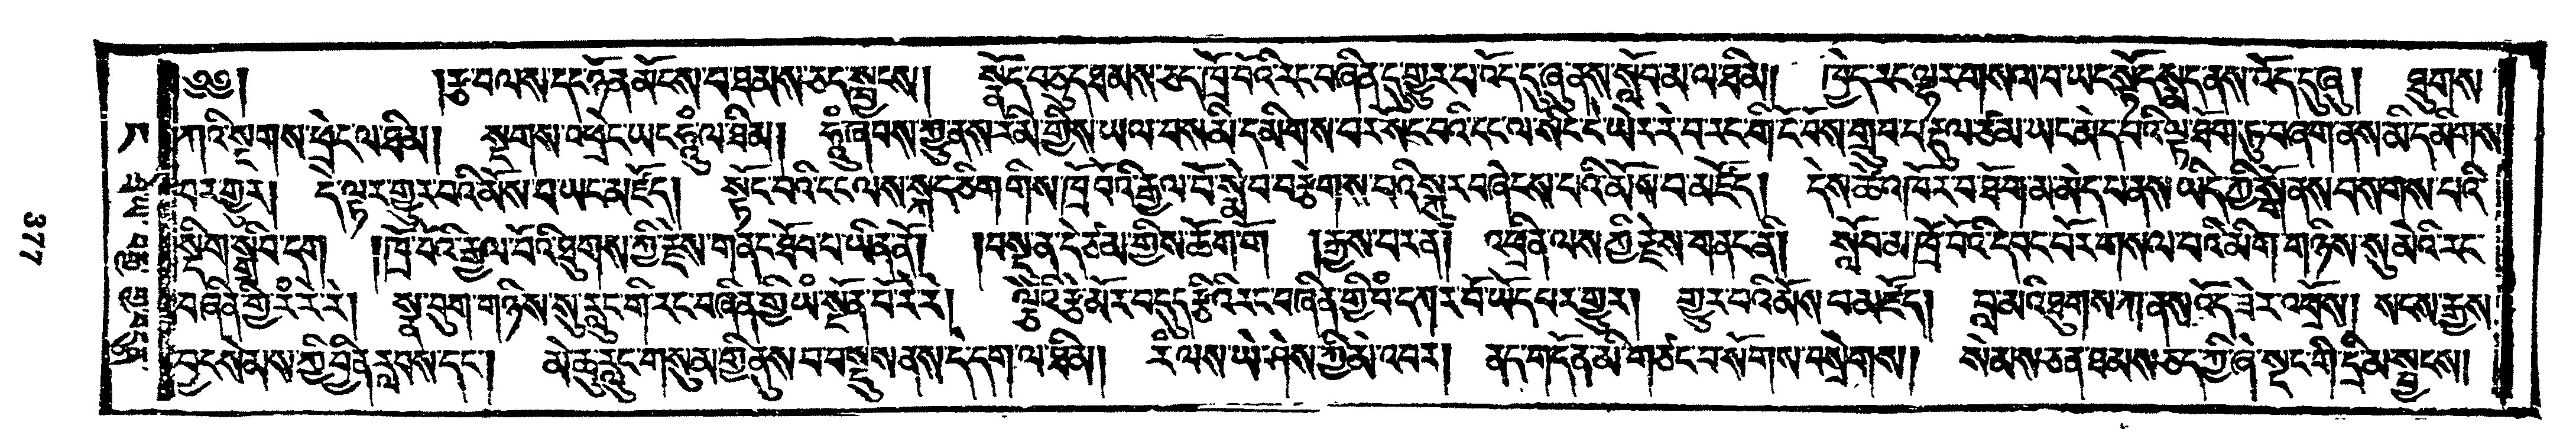༄༅། །རྩ་བ་ལས་དང་ཉོན་མོངས་པ་ཐམས་ཅད་སྦྱངས། །སྣོད་བཅུད་ཐམས་ཅད་ཁྲོ་བོའི་རང་བཞིན་དུ་གྱུར་པ་འོད་དུ་ཞུ་ནས་སློབ་མ་ལ་ཐིམ། །ཁྱེད་རང་ལྷར་གསལ་བ་ཡང་སྟོང་སྨད་ནས་འོད་དུ་ཞུ། །ཐུགས་
ཀའི་སྔགས་ཕྲེང་ལ་ཐིམ། །སྔགས་འཕྲེང་ཡང་ཧཱུཾ་ལ་ཐིམ། །ཧཱུཾ་ཞབས་ཀྱུ་ནས་རིམ་གྱིས་ཡལ་བས་མི་དམིགས་པར་སོང་པའི་ངང་ལ་སིང་ངེ་ཡེར་རེ་བ་རང་གི་ངོ་བོས་གྲུབ་པ་རྡུལ་ཙམ་ཡང་མེད་པའི་ལྟ་ཐོག་ཏུ་བཞག་ནས་མི་དམིགས་
བར་གྱུར། །དེ་ལྟར་གྱུར་པའི་མོས་པ་ཡང་མཛོད། སྟོང་པའི་ངང་ལས་སྐད་ཅིག་གིས་ཁྲོ་བོའི་རྒྱལ་བོ་སྨེ་བ་བརྩེགས་པའི་སྐུར་བཞེངས་པའི་མོས་པ་མཛོད། །དེས་ཚེ་འཁོར་པ་ཐོག་མ་མེད་པ་ནས་ཡིད་ཀྱི་སྒོ་ནས་བསགས་པའི་
སྡིག་སྒྲིབ་དག །ཁྲོ་བོའི་རྒྱལ་བོའི་ཐུགས་ཀྱི་རྗེས་གནང་ཐོབ་པ་ཡིན་ནོ། །བསྔན་དེ་ཙམ་གྱིས་ཆོག་གོ །རྒྱས་པར་ན། །འཕྲིན་ལས་ཀྱི་རྗེས་གནང་ནི། །སློབ་མ་ཁྲོ་བིའི་དབང་པོར་གསལ་བའི་མིག་གཉིས་སུ་མེའི་རང་
བཞིན་གྱི་རཾ་རེ་རེ། སྣ་བུག་གཉིས་སུ་རླུང་གི་རང་བཞིན་གྱི་ཡཾ་སྔོན་པོ་རེ་རེ། ལྕེའི་རྩེ་མོར་བདུད་རྩིའི་རང་བཞིན་གྱི་བཾ་དཀར་པོ་ཡོད་པར་གྱུར། །གྱུར་པའི་མོས་བ་མཛོད། །བླ་མའི་ཐུགས་ཀ་ནས་འོད་ཟེར་འཕྲོས། སངས་རྒྱས་
བྱང་སེམས་ཀྱི་བྱིན་རླབས་དང་། །མེ་ཆུ་རླུང་གསུམ་གྱི་ནུས་པ་བསུད་ནས་དེ་དག་ལ་ཐིམ། རཾ་ལས་ཡེ་ཤེས་ཀྱི་མེ་འབར། །ནད་གདོན་མི་གཙན་བ་སོགས་བསྲེགས། སེམས་ཅན་ཐམས་ཅད་ཀྱི་ཞེ་སྡང་གི་དྲི་མ་སྦྱངས།